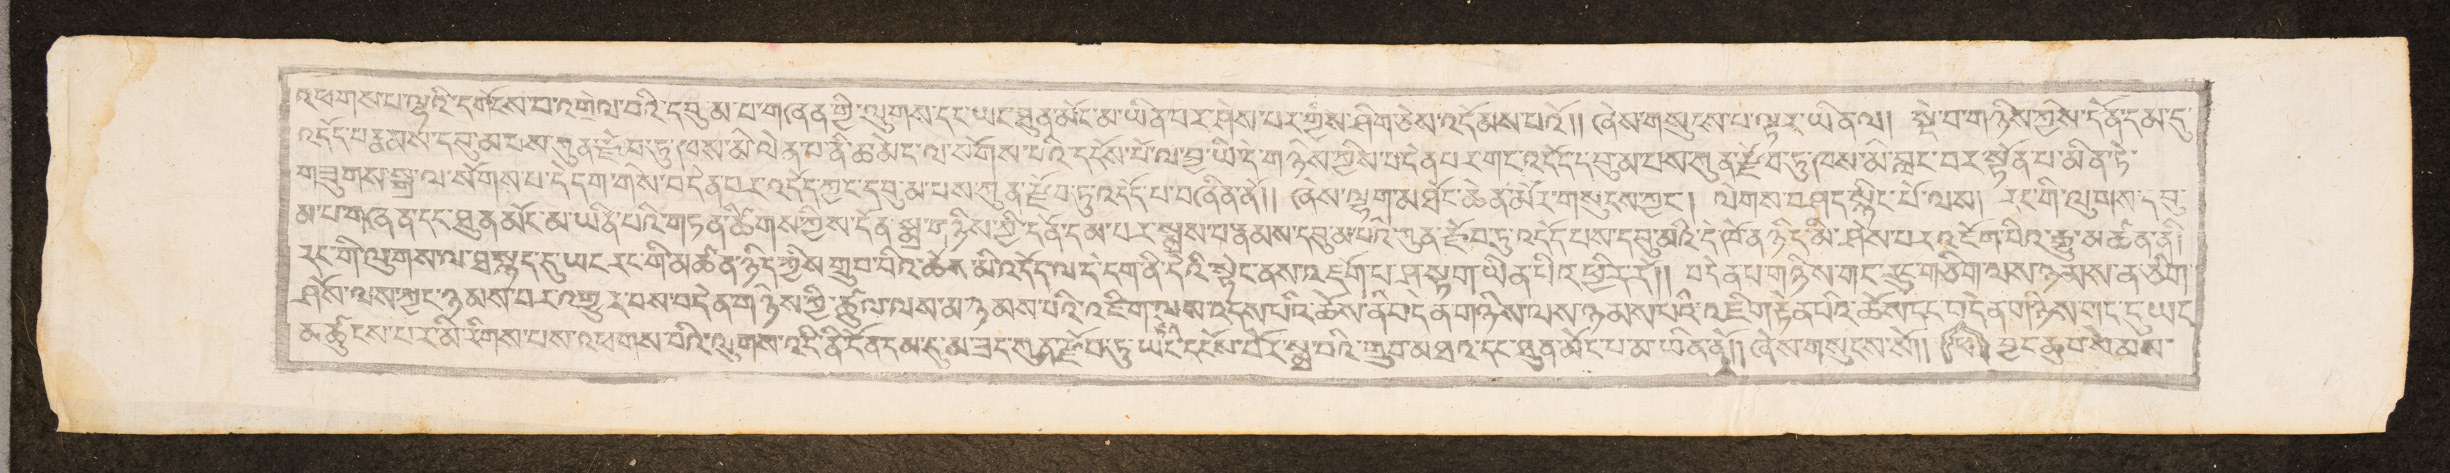འཕགས་པ་ལྟའི་དགོངས་པ་འགྲེལ་བའི་དུབ་མ་བཞན་གྱི་ལུགས་དང་ཡང་ཐུན་མོང་མ་ཡིན་པར་ཤེས་པར་གྱིས་ཤིག་ཅེས་འདོམས་པའོ། །ཞེས་གསུངས་པ་ལྟར་ཡིན་ལ། སྡེ་པ་གཉིས་ཡིས་དོན་དམ་དུ་
འདོད་པ་རྣམས་དབུ་མ་པས་ཀུན་རྫོབ་ཏུ་ཁས་མི་ལེན་པ་ནི་ཆ་མེད་ལ་སོགས་པའི་དངོས་པོ་ལ་བྱ་ཡི་དེ་གཉིས་ཀྱིས་བདེན་པར་གང་འདོད་དབུ་མ་པས་ཀུན་རྫོབ་ཏུ་ཁས་མི་བླང་བར་སྟོན་པ་མིན་ཏེ་
གཟུགས་སྒྲ་ལ་སོགས་པ་དེ་དག་གིས་བདེན་པར་འདོད་ཀྱང་དབུ་མ་པས་ཀུན་རྫོབ་ཏུ་འདོད་པ་བཞིན་ནོ། ཞེས་ལྷག་མཐོང་ཆེན་མོར་གསུངས་ཀྱང་། ལེགས་ཤད་སྙིང་པོ་ལས། རང་གི་ལུགས་དབུ་
མ་པ་གཞན་དང་ཐུན་མོང་མ་ཡིན་པ་འི་གཏན་ཚིག་ཀྱིས་དོན་སྨྲ་གཉིས་ཀྱི་དོན་དམ་པར་སྨྲས་པ་རྣམས་དབུ་མ་པའི་ཀུན་རྫོབ་ཏུ་འདོད་པས་དབུ་མའི་དེ་ཁོ་ན་ཉིད་མི་ཤེས་པར་འཇོག་པའི་རྒྱུ་མཚན་ནི།།
རང་གི་ལུགས་ལ་ཐ་སྙད་དུ་ཡང་རང་གི་མཚན་ཉིད་ཀྱིས་གྲུབ་པའི་ཆོས་མི་འདོད་ལ་དེ་དག་ནི་དེའི་སྟེང་ནས་འཇོག་པ་ཤ་སྟག་ཡིན་པའི་ཕྱིར་རོ།། བདེན་པ་གཉིས་གང་རུང་གཅིག་ལས་ཉམས་ན་ཅིག།
ཤོས་ལས་ཀྱང་ཉམས་པར་འགྱུར་བས་བདེན་གཉིས་ཀྱི་ཚུལ་ལས་མ་ཉམས་པའི་འཇིགས་རྟེན་ལས་འདས་པའི་ཆོས་ནི་བདེན་གཉིས་ལས་ཉམས་པའི་འཇིག་རྟེན་པའི་ཆོས་དང་བདེན་གཉིས་གང་དུ་ཡང་
མཚུངས་པར་མི་རིགས་པས་འཕགས་པའི་ལུགས་འདི་ནི་དོན་དམ་དུ་མ་ཟད་ཀུན་རྫོབ་ཏུ་ཡང་དངོས་པོར་སྨྲ་བའི་གྲུབ་མཐའ་དང་ཐུན་མོང་པ་མ་ཡིན་ནོ།། ཞེས་གསུངས་སོ། ༼༽ཕ༼༽ བྱང་ཆུབ་སེམས་